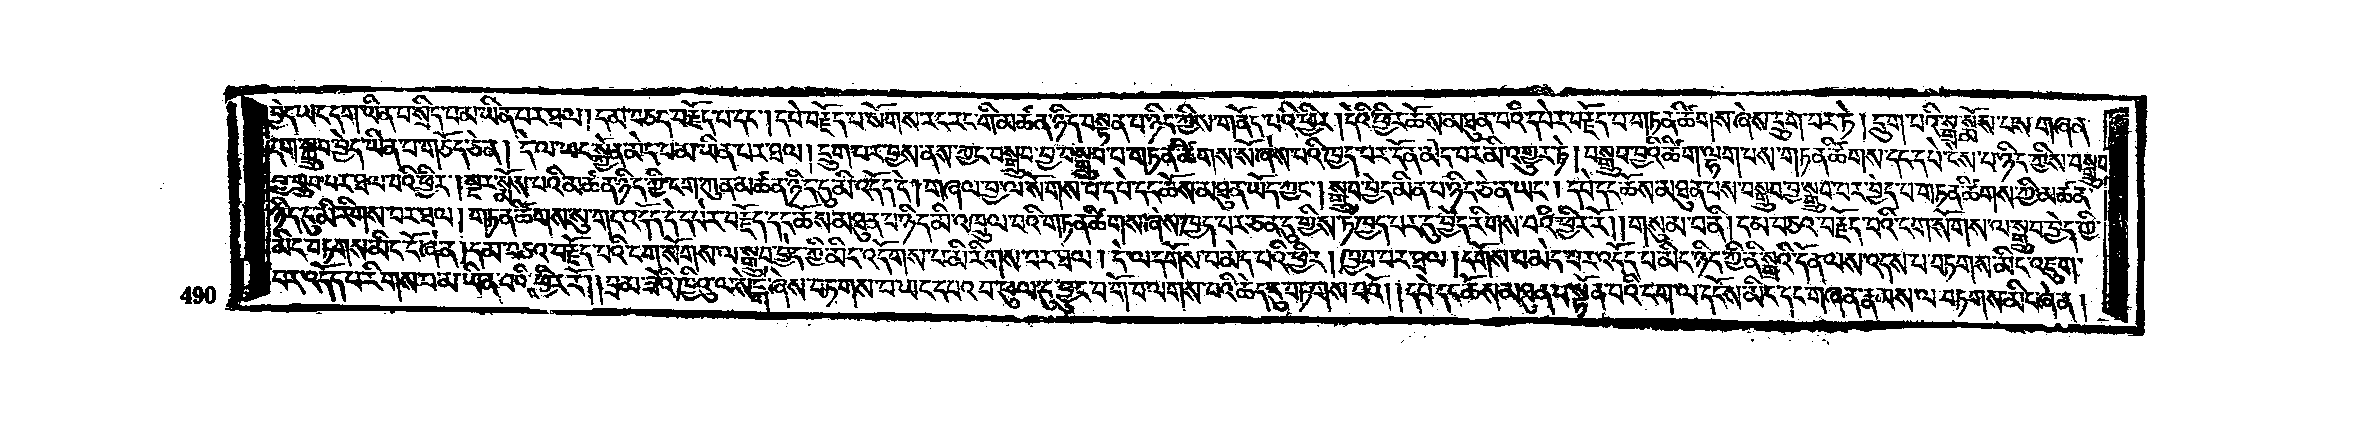བྱེད་ཡང་དག་གི་ཡིན་པ་སྲིད་པ་མ་ཡིན་པར་ཐལ། །དམ་བཅད་བརྗོད་པ་དང་། དཔེ་བརྗོད་པ་སོགས་རང་རང་གི་མཚན་ཉིད་བསྟན་པ་ཉིད་ཀྱིས་གནོད་པའི་ཕྱིར། དེའི་ཕྱིར་ཆོས་མཐུན་པའི་དཔེར་བརྗོད་པ་གཏན་ཚིགས་ཞེས་དྲུག་པར་ཏེ། དྲུག་པའི་སྒྲ་སྨོས་པས་གཞན་
དག་སྒྲུབ་བྱེད་ཡིན་པ་གཅོད་ཅེ་ན། དེ་ལ་ཡན་སྐྱོན་མེད་པ་མ་ཡིན་པར་ཐལ། དྲུག་པར་བྱས་ནས་ཀྱང་བསྒྲུབ་ཡ་བསྒྲུབ་པ་གཏན་ཚིགས་སོ་ཞེས་པའི་ཁྱད་པར་དོན་མེད་པར་མི་འགྱུར་ཏེ། བསྒྲུབ་ཡའི་ཚིགས་ལྷག་པས་གཏན་ཚིགས་དང་དཔེ་ངེས་པ་ཉིད་ཀྱིས་བསྒྲུབ་
བྱ་གྲུབ་པར་ཐལ་བའི་ཕྱིར། སྔར་སྨོས་པའི་མཚན་ཉིད་ཀྱི་ངག་ཀུན་མཚན་ཉིད་དུ་མི་འདོད་དེ། གཞལ་བྱ་ལ་སོགས་པ་དཔེ་དང་ཆོས་མཐུན་ཡོད་ཀྱང་། སྒྲུབ་བྱེད་མིན་པ་ཉིད་ཅེ་ན་ཡང་། དཔེ་དང་ཆོས་མཐུན་པས་བསྒྲུབ་བྱ་སྒྲུབ་པར་བྱེད་པ་གཏན་ཚིགས་ཀྱི་མཚན་
ཉིད་དུ་མི་རིགས་པར་ཐལ། གཏན་ཚིགས་སུ་གང་འདོད་དེ་དཔེར་བརྗོད་དང་ཆོས་མཐུན་པ་ཉིད་མི་འཁྲུལ་པའི་གཏན་ཚིགས་ཞེས་ཁྱད་པར་ཅན་དུ་གྱིས་ཏེ་ཁྱད་པར་དུ་བྱེད་རིགས་པའི་ཕྱིར་རོ། །གསུམ་པ་ནི། དམ་བཅའ་བརྗོད་པའི་ངག་སོགས་ལ་སྒྲུབ་བྱེད་ཀྱི་
མིང་བཏགས་མིང་ངོ་ཞེ་ན། དམ་བཅའ་བརྗོད་པའི་ངག་སོགས་ལ་སྒྲུབ་བྱེད་ཀྱི་མིང་འདོགས་པ་མི་རིགས་པར་ཐལ། དེ་ལ་དགོས་པ་མེད་པའི་ཕྱིར། ཁྱབ་པར་ཐལ། དགོས་པ་མེད་པར་འདོད་པ་མིང་ཉིད་ཀྱི་ནི་སྒྲའི་དོན་ལས་འདས་པ་བཏགས་མིང་འཇུག་
པར་འདོད་པ་རིགས་པ་མ་ཡིན་པའི་ཕྱིར་རོ། །བྲམ་ཟེའི་ཁྱིའུ་ལ་སེངགེ་ཞེས་བཏགས་པ་ཡང་དཔའ་བ་ཕུལ་དུ་བྱུང་བ་གོ་བ་ལགས་པའི་ཆེད་དུ་བཏགས་པའོ། །དཔེ་དང་ཆོས་མཐུན་པ་སྟོན་པའི་ངག་ལ་དངོས་མིང་དང་གཞན་རྣམས་ལ་བཏགས་མིང་ཞེ་ན།